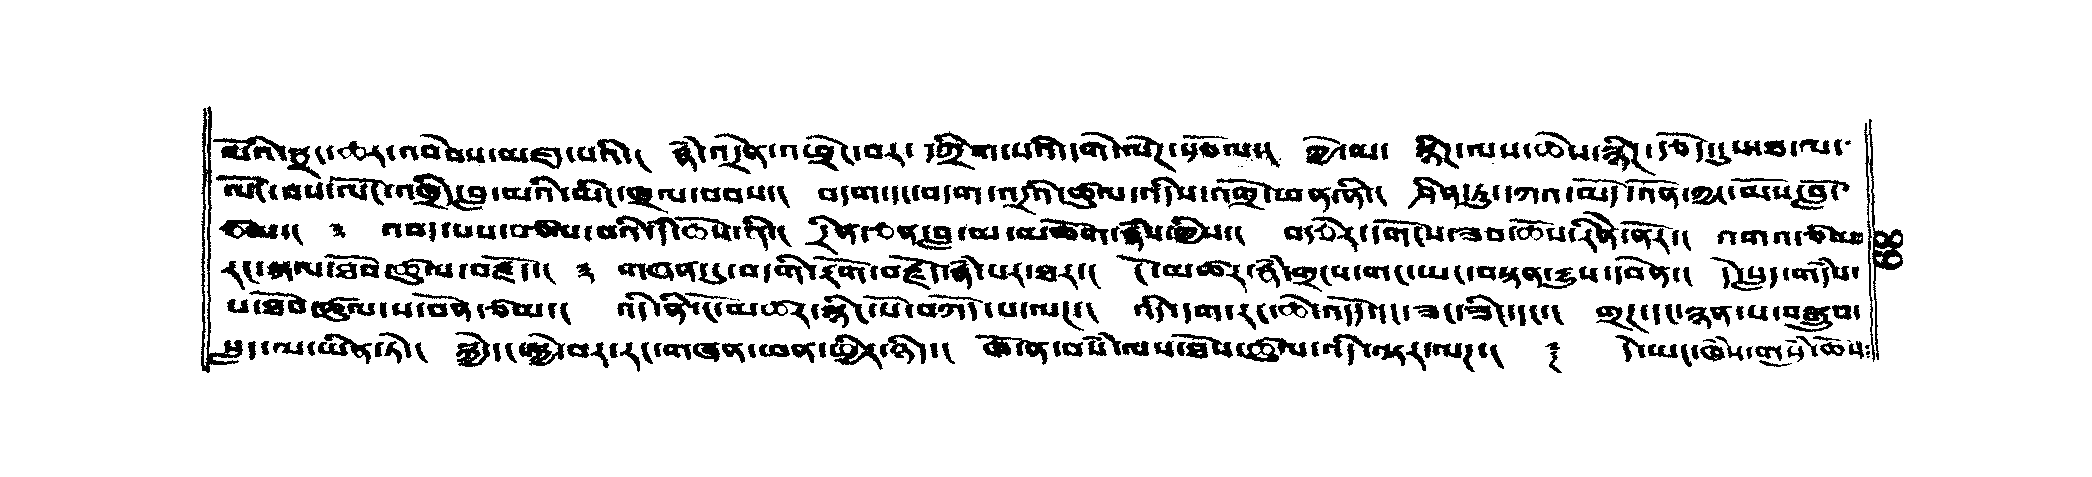མོའི་སྦྲང་ཆར་འབེབས་མཛད་པའི། །རྣམ་འདྲེན་ཕྲེང་བར་དཀྲིགས་པས་དགེ་ལེགས་སྩོལ། ཀྱེ་མ། སྙིགས་ལས་ཆེས་སྙིགས་རྩོད་དུས་ཐ་མ་འདོར། །
ལོང་བས་ལོང་འཁྲིད་བླ་མའི་མིང་ཁྲལ་བབས། །བདག་དང་བདག་འདྲའི་ཚུལ་འདིས་འགྲོ་ཕན་ནི། །ཤིན་ཏུ་དཀའ་མོད་འོན་ཀྱང་མོས་བློ་
ཙམ། །འབད་པས་བཙལ་བའི་དམ་ཆོས་ནི། །དྲིན་ཅན་བླ་མ་མཆོག་རྣམས་ཀྱིས། །བརྩེར་དགོངས་ཟབ་ཆོས་རིན་ཆེན་ནོར། །འགའ་ཙམ་
རང་སྐལ་ཐོབ་ཚུལ་བརྗོད། །གཞན་དུ་བདག་གི་རྟོགས་བརྗོད་རྣམ་པར་ཐར། །ངོ་མཚར་རྣམ་གྲངས་གང་ཡང་བསྟན་རྒྱུས་དབེན། །དེ་སླད་གདམས་
པ་ཐོབ་ཚུལ་ས་བོན་ཙམ། །འདི་ནི་ངོ་མཚར་སྙིང་པོ་བཀོད་པ་ལགས། །འདི་དག་རང་ཆེ་འདོད་དང་ཟང་ཟིང་དང་། །གྲགས་དང་སྙན་པ་བསྒྲུབ་
སླད་མ་ཡིན་ཏེ། །སྐྱེ་དང་སྐྱེ་བར་རང་གཞན་ཕན་ཕྱིར་ཉིད། །ཁོ་ན་བསམ་ལས་ཐོས་ཚུལ་འདི་ལྟར་ལགས།།༈ དེ་ཡང་ཁམས་གསུམ་ཆོས་